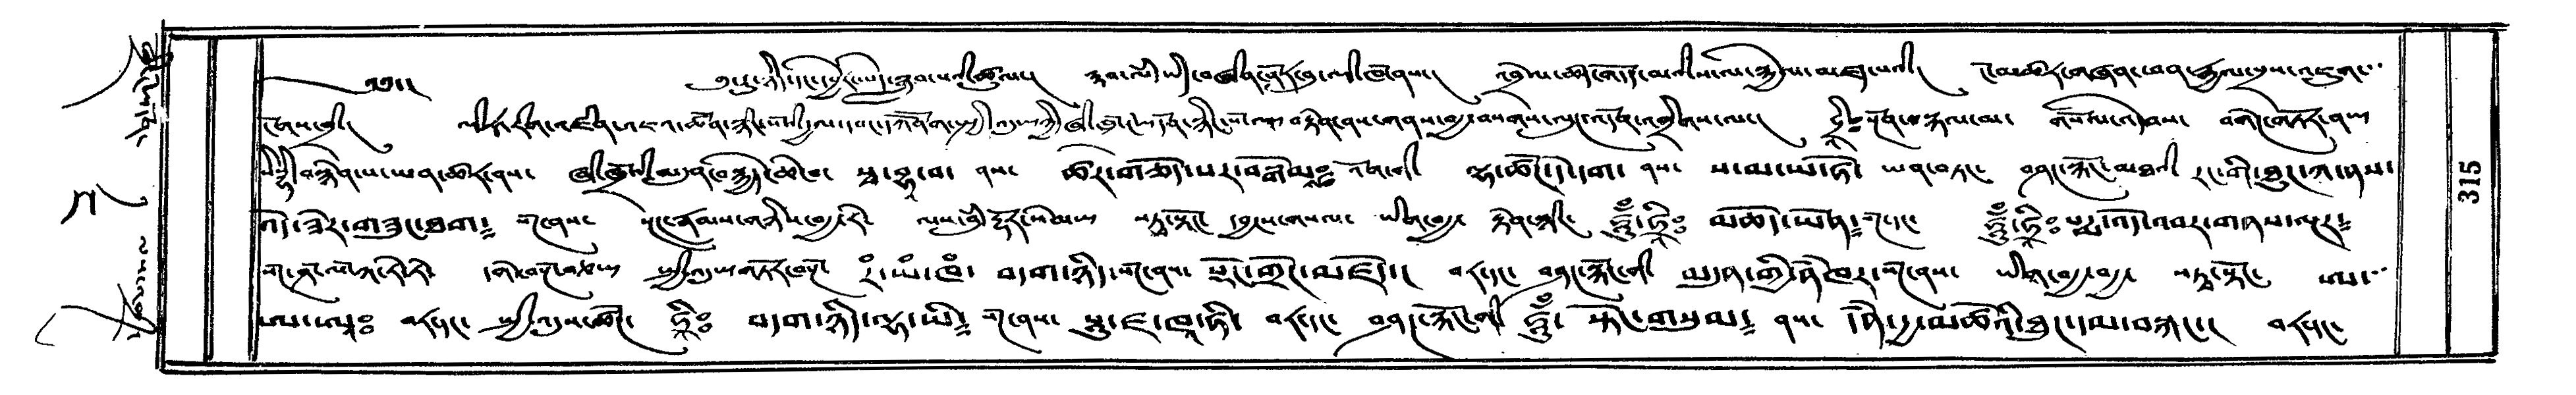༄༅། གུ་རུ་ཉིད་དང་དབྱེར་མེད་སྒྲུབ་པའི་ཚུལ། །ཟབ་ལམ་ཡིད་བཞིན་ནོར་བུ་འདི་ཁོ་ནས། །འབྲེལ་ཚད་གདོད་མའི་ས་ལ་སྐྱེལ་མཛད་པའི། །ངོ་མཚར་གཞན་ཕན་རྒྱལ་སྲས་འཇུག་
ངོགས་བྲི། །འདིར་རིག་འཛིན་འཇའ་ཚོན་སྙིང་པོའི་རྒྱལ་དབང་དཀོན་མཆོག་སྤྱི་འདུས་ཀྱི་ཞི་ཁྲོ་ངེས་དོན་སྙིང་པོ་ལ་བརྟེན་ནས་གནས་བརྒྱ་གསོག་ལུགས་ཀྱི་འདོན་འགྲིགས་ལ། ཧྲཱི༔ སྔོན་བསྐལ༴ གསོལ་འདེབས། བགེགས་གཏོར་ནས་
སིདྡྷི་སྙེན་པ་ཡན་ཚར་ནས། ཞི་ཁྲོའི་མདུན་བསྐྱེད་ཆེ་བ། སྭ་བྷཱ་བ༴ ནས། ཚར་གཅོད་པར་བསྒོམ༔ འོག་གི ལྷ་ཚོགས་དེ་དག༴ ནས། ས་མ་ཡ་ཧོ༔ ཡན་གཏང་། བཤགས་སྐོང་མཐའི། རང་གི་ཐུགས་ཀ་ནས་
འོད་ཟེར་གཟུངས་ཐག༴ སོགས་ནས། སྔགས་རྣམས་ཉིས་བརྒྱ་རེ། ལས་བུམ་རྡོར་སེམས། ས་ཏྭ་སྟོང་། དབྱངས་གསལ། ཡིག་བརྒྱ། རྟེན་སྙིང་། ཧཱུྃ་ཧྲཱི༔ མཆོད་ཡོན༴ སོགས་དང་། ཧཱུྃ་ཧྲཱི༔ པདྨ་འོད་འབར་གནས་ལྔར༴ 
སོགས་ཤོ་ལོ་ཀ་རེ་རེ། དགེ་བསྔོ་བཅས། སྤྱི་འདུས་གཏོར་བསྔོ། རྃ་ཡྃ་ཁྃ༔ བདག་ཉིད༴ སོགས་ནས། སྡོང་གྲོགས་མཛོད༔ བར་དང་། བཤགས་སྐོང་ག ི མདུན་གྱི་ནམ་མཁར༴ སོགས་ནས། ཡིག་བརྒྱ་བརྒྱ། ས་ཏྭ་སྟོང་། ཨ་
ཨ་ཨཱ༔ བར་དང་། སྤྱི་འདུས་ཚོགས། ཧྲཱི༔ བདག་ཉིད་ལྷ་ཡི༴ སོགས་ནས། པཱུ་ཛ་ཁཱ་ཧི༔ བར་དང་། བཤགས་སྐོང་གི ཧཱུྃ༔ སྟོང་གསུམ༴ ནས། དོན་དམ་རྒྱ་མཚོའི་ཐུགས་དམ་བསྐང༔ བར་དང་།